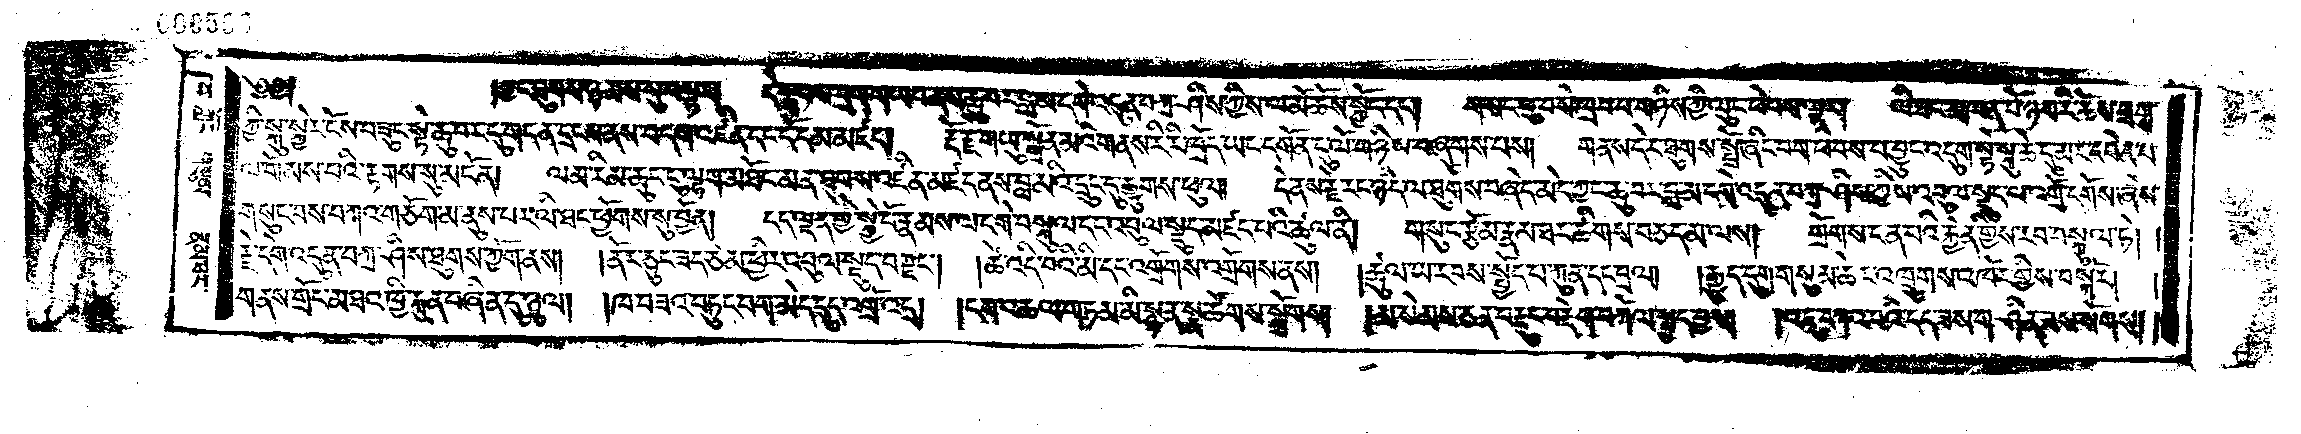༄༅། །ཀྱང་ཐུགས་ཉམས་སུ་བསྟར། དེ་སྐབས་བྲག་གཡབ་ནས་ཆུ་བར་བླ་མ་དགེ་འདུན་བཀྲ་ཤིས་ཀྱིས་ལ་མོ་ཆོས་སྐྱོང་དང་། གསང་ཕུ་བསེ་ཁྲབ་པ་གཉིས་ཀྱི་ལུང་ཕེབས་ལྟར། ལི་ཐང་མཁན་པོ་ཉག་རི་ཆོས་གྲགས་
ཀྱི་སྐུ་སྐྱེར་ངོས་བཟུང་སྟེ་ཆུ་བར་དུ་གདན་དྲངས་ནས་བདག་འཛིན་དང་དོ་དམ་མཛད། རྡོ་རྗེ་གཡུ་སྒྲོན་མའི་གནས་རི་རི་ཁྲོད་ཡང་དགོན་དུ་ལོ་གཉིས་བཞུགས་པས། གནས་དེར་ཐུགས་སྤྲོ་ཞིང་བག་ཕེབས་པ་བྱུང་འདུག་སྟེ་སྐུ་ཆེ་དུ་མར་དབེན་པ་
ལ་གོམས་པའི་རྟགས་སུ་མངོན། ལམ་རིམ་ཆུང་དུ་ལྷག་མཐོང་མན་ཐུགས་འཛིན་མཛད་ནས་བླ་མའི་དྲུང་དུ་རྒྱུགས་ཕུལ། དེ་ནས་རྗེ་རང་ཉིད་ལ་ཐུགས་བཞེད་མེད་ཀྱང་ཆུ་བར་བླ་མ་དགེ་འདུན་བཀྲ་ཤིས་ཀྱིས་འབུལ་སྡུད་ལ་འགྲོ་དགོས་ཞེས་
གསུང་བས་བཀའ་གཅོག་མ་ནུས་པར་ལི་ཐང་ཕྱོགས་སུ་བྱོན། དད་ལྡན་གྱི་སྐྱེ་བོ་རྣམས་ལ་དགེ་བསྐུལ་དང་འབུལ་སྡུད་མཛད་པའི་ཚུལ་ནི། གསུང་རྩོམ་རྣམ་ཐར་ཚིགས་བཅད་མ་ལས། གྲོགས་ངན་པའི་རྐྱེན་གྱིས་རབ་བསྐུལ་ཏེ། །
རྗེ་དགེ་འདུན་བཀྲ་ཤིས་ཐུགས་ཀྱོག་ནས། །ནོར་ཅུང་ཟད་ཙམ་ཕྱིར་འབུལ་སྡུད་བརྫང་། །ཚེ་འདི་བའི་མི་དང་འགྲོགས་འགྲོགས་ནས། །ཚུལ་ཡ་རབས་སྤྱོད་བ་ཀུན་དང་བྲལ། །རྒྱུད་དུག་གསུམ་ཆེར་འཁྲུགས་འཁོར་གྱིས་བསྐོར། །
གནས་གྲོང་མཐའ་ཁྱི་རྐུན་བཞིན་དུ་ཉུལ། །ཁ་བཟའ་བཏུང་བག་མེད་དུད་འགྲོ་འདྲ། །ངག་འཆལ་གཏམ་མི་སྙན་སྣ་ཚོགས་སྒྲོགས། །མ་སེམས་ཅན་བརྡུང་བརྡེག་བཀོལ་སྤྱད་བྱས། །འཇུ་དཀའ་བའི་དད་ཟས་གཤིན་ཟས་སོགས། །